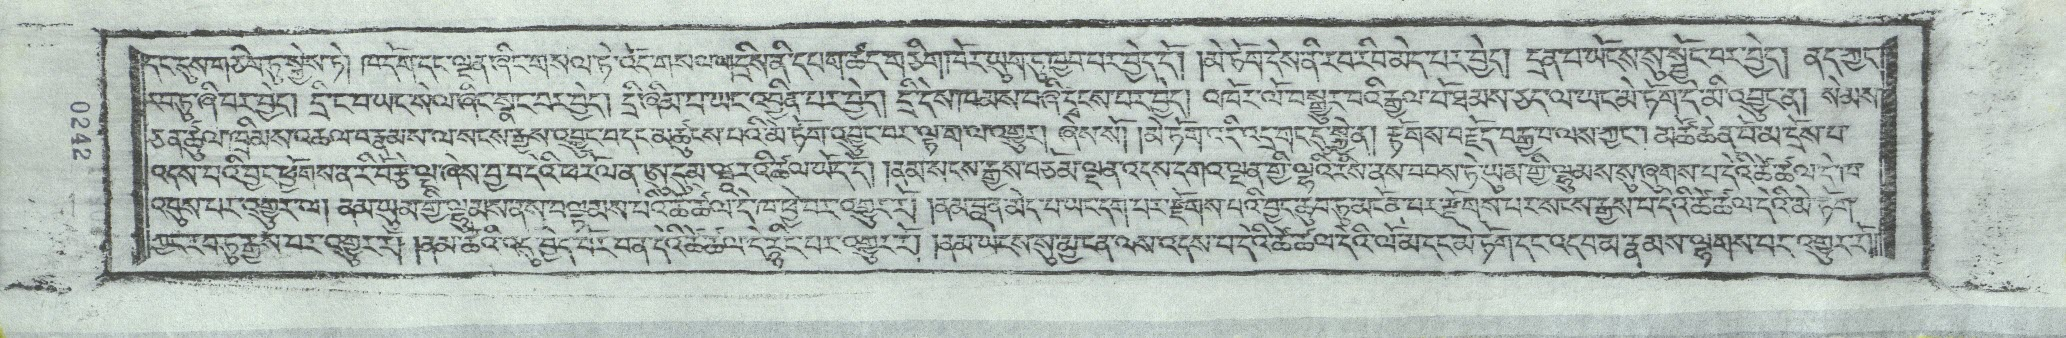དང་དུས་གཅིག་ཏུ་སྐྱེས་ཏེ། ཁ་དོག་དང་ལྡན་ཞིང་གསལ་ཏེ་འོད་གསལ་ལ། དྲིས་ནི་དཔག་ཚད་གཅིག་ཁོར་ཡུག་ཏུ་ཁྱབ་པར་བྱེད་དོ། །མེ་ཏོག་དེས་ནི་རབ་རིབ་མེད་པར་བྱེད། དྲན་པ་ཡོངས་སུ་སྦྱོང་བར་བྱེད། ནད་ཀྱང་
རབ་ཏུ་ཞི་བར་བྱེད། དྲི་ང་བ་ཡང་སེལ་ཞིང་སྣང་བར་བྱེད། དྲི་ཞིམ་པ་ཡང་འབྱིན་པར་བྱེད། དྲི་དེས་ཁམས་བཞི་དྭངས་པར་བྱེད། འཁོར་ལོ་བསྒྱུར་བའི་རྒྱལ་པོ་ཐམས་ཅད་ལ་ཡང་མེ་ཏོག་དེ་མི་འབྱུང་ན། སེམས་
ཅན་ཚུལ་ཁྲིམས་འཆལ་བ་རྣམས་ལ་སངས་རྒྱས་འབྱུང་བ་དང་མཚུངས་པའི་མེ་ཏོག་འབྱུང་བར་ལྟ་ག་ལ་འགྱུར། ཞེས་སོ། །མེ་ཏོག་འདི་འདྲ་གང་དུ་སྐྱེ་ན། རྟོགས་བརྗོད་བརྒྱ་བ་ལས་ཀྱང་། མཚོ་ཆེན་པོ་མ་དྲོས་པ་
འདས་པའི་བྱང་ཕྱོགས་ན་རི་བོ་རྩེ་ལྔ་ཞེས་བྱ་བ་དེའི་ཕ་རོལ་ན་ཨུ་དུམ་ཝཱ་རའི་ཚལ་ཡོད་དོ། །ནམ་སངས་རྒྱས་བཅོམ་ལྡན་འདས་དགའ་ལྡན་གྱི་ལྷའི་རིས་ནས་བབས་ཏེ་ཡུམ་གྱི་ལྷུམས་སུ་ཞུགས་པ་དེའི་ཚེ་ཚལ་དེ་ཁ་
འབུས་པར་འགྱུར་ལ། ནམ་ཡུམ་གྱི་ལྷུམས་ནས་བལྟམས་པའི་ཚེ་ཚལ་དེ་ཁ་ཕྱེ་བར་འགྱུར་རོ། །ནམ་བླ་ན་མེད་པ་ཡང་དག་པར་རྫོགས་པའི་བྱང་ཆུབ་ཏུ་མངོན་པར་རྫོགས་པར་སངས་རྒྱས་པ་དེའི་ཚེ་ཚལ་དེའི་མེ་ཏོག་
ཀྱང་རབ་ཏུ་རྒྱས་པར་འགྱུར་རོ། །ནམ་ཚེའི་འདུ་བྱེད་པོར་བ་ན་དེའི་ཚེ་ཚལ་དེ་རྙིང་པར་འགྱུར་རོ། །ནམ་ཡེངས་སུ་མྱ་ངན་ལས་འདས་པ་དེའི་ཚེ་ཚལ་དེའི་ལོ་མ་དང་མེ་ཏོག་དང་འདབ་མ་རྣམས་ལྷགས་པར་འགྱུར་རོ།།